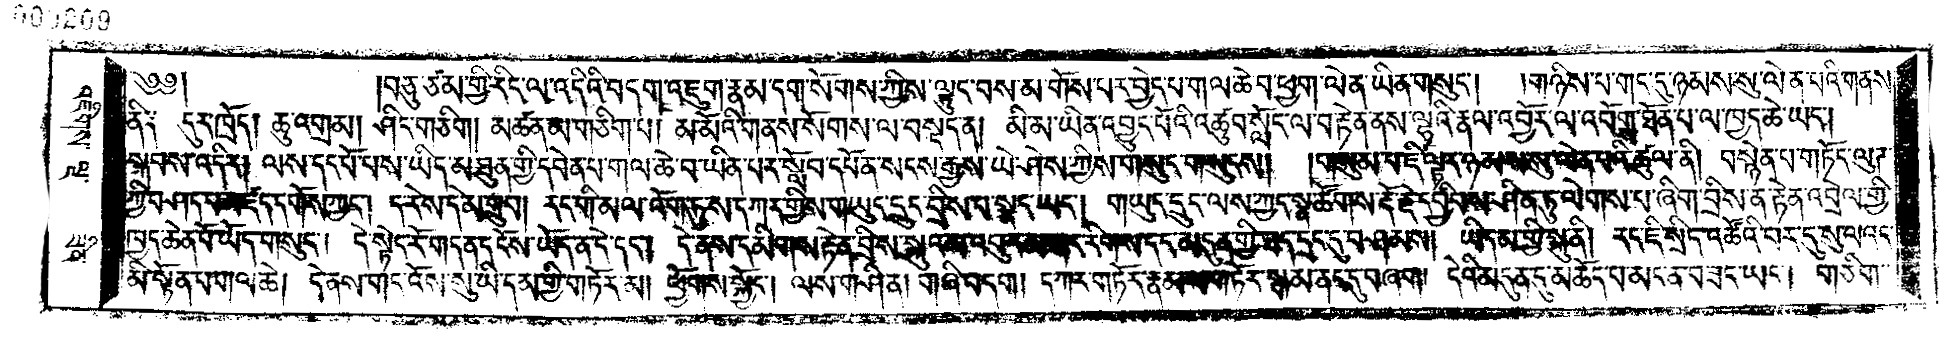༄༅། །བཅུ་ཙམ་གྱི་རིང་ལ་འདིའི་བདག་འཇུག་རྣམ་དག་སོགས་ཀྱིས་ལྟུང་བས་མ་གོས་པར་བྱེད་པ་གལ་ཆེ་བ་ཕྱག་ལེན་ཡིན་གསུང་། །གཉིས་པ་གང་དུ་ཉམས་སུ་ལེན་པའི་གནས་
ནི༑ དུར་ཁྲོད། ཆུ་འགྲམ། ཤིང་གཅིག །མཚན་མ་གཅིག་པ། མ་མོའི་གནས་སོགས་ལ་བསྡད་ན། མི་མ་ཡིན་འབྱུང་པོའི་འཚུབ་སློང་ལ་བརྟེན་ནས་ལྷའི་རྣལ་འབྱོར་ལ་འབོགས་ཐོན་པ་ལ་ཁྱད་ཆེ་ཡང་།
སྐབས་འདིར། ལས་དང་པོ་པས་ཡིད་མཐུན་གྱི་དབེན་པ་གལ་ཆེ་བ་ཡིན་པར་སློབ་དཔོན་སངས་རྒྱས་ཡེ་ཤེས་ཀྱིས་གསུང་གསུངས། །གསུམ་པ་ཇི་ལྟར་ཉམས་སུ་ལེན་པའི་ཚུལ་ནི། བསྙེན་པ་གཏོང་ལུགས་
ཀྱི་བཤད་པ་མཛད་དགོས་ཀྱང་། ད་རེས་དེ་མ་གྲུབ། རང་གི་མལ་འོག་ཏུ་ས་དཀར་གྱིས་གཡུང་དྲུང་བྲིས་པ་སྣང་ཡང་། གཡུང་དྲུང་ལས་ཀྱང་སྣ་ཚོགས་རྡོ་རྗེ་དབྱིབས་ཤིན་ཏུ་ལེགས་པ་ཞིག་བྲིས་ན་རྟེན་འབྲེལ་གྱི་
ཁྱད་ཆེན་པོ་ཡོད་གསུང་། དེ་སྟེང་རོ་གདན་དངོས་ཡོད་ན་དེ་དང་། དེ་ནས་དམིགས་རྟེན་བྲིས་སྐུའམ་འབུར་མ་གང་རིགས་དང་མདུན་གྱི་ཐད་དྲང་དུ་བཤམས། ཡི་དམ་གྱི་སྐུ་ནི། རང་ཇི་སྲིད་འཚོའི་བར་དུ་སུ་ལའང་
མི་སྟོན་པ་གལ་ཆེ། དེ་ནས་གང་འོས་སུ་ཡི་དམ་གྱི་གཏོར་མ། ཕྱོགས་སྐྱོང་། ལས་གཤིན། གཞི་བདག །དཀར་གཏོར་རྣམས་གཏོར་སྒམ་ནང་དུ་བཞག །དེའི་མདུན་དུ་མཆོད་པ་མང་ན་བཟང་ཡང་། གཅིག་